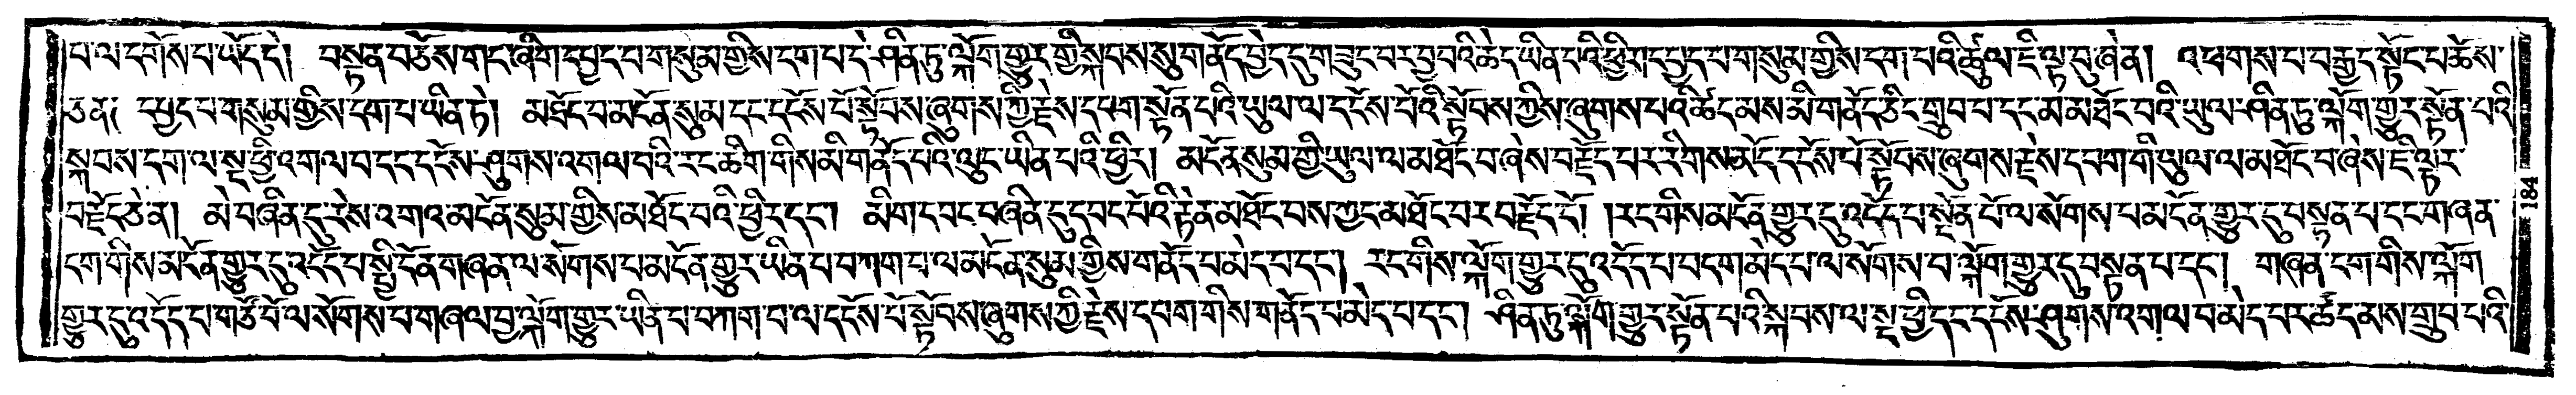པ་ལ་དགོས་པ་ཡོད་དེ། བསྟན་བཅོས་གང་ཞིག་དཔྱད་པ་གསུམ་གྱིས་དག་པ་དེ་ཤིན་ཏུ་ལྐོག་གྱུར་གྱི་སྐབས་སུ་གནོད་བྱེད་དུ་གཟུང་བར་བྱ་བའི་ཆེད་ཡིན་པའི་ཕྱིར། དཔྱད་པ་གསུམ་གྱིས་དག་པའི་ཚུལ་ཇི་ལྟ་བུ་ཞེ་ན། འཕགས་པ་བརྒྱད་སྟོང་པ་ཆོས་
ཅན༑ དཔྱད་པ་གསུམ་གྱིས་དག་པ་ཡིན་ཏེ། མཐོང་བ་མངོན་སུམ་དང་དངོས་པོ་སྟོབས་ཞུགས་ཀྱི་རྗེས་དཔག་སྟོན་པའི་ཡུལ་ལ་དངོས་པོའི་སྟོབས་ཀྱིས་ཞུགས་པའི་ཚད་མས་མི་གནོད་ཅིང་གྲུབ་པ་དང་མ་མཐོང་བའི་ཡུལ་ཤིན་ཏུ་ལྐོག་གྱུར་སྟོན་པའི་
སྐབས་དག་ལ་སྔ་ཕྱི་འགལ་བ་དང་དངོས་ཤུགས་འགལ་བའི་རང་ཚིག་གིས་མི་གནོད་པའི་ལུང་ཡིན་པའི་ཕྱིར། མངོན་སུམ་གྱི་ཡུལ་ལ་མཐོང་བ་ཞེས་བརྗོད་པར་རིགས་མདོ་དངོས་པོ་སྟོབས་ཞུགས་རྗེས་དཔག་གི་ཡུལ་ལ་མཐོང་བ་ཞེས་ཇི་ལྟར་
བརྗོད་ཅེ་ན། མེ་བཞིན་དུ་རེས་འགའ་མངོན་སུམ་གྱིས་མཐོང་བའི་ཕྱིར་དང་། མིག་དབང་བཞིན་དུ་དབང་པོའི་རྟེན་མཐོང་བས་ཀྱང་མཐོང་བར་བརྗོད་དོ། །རང་གིས་མངོན་གྱུར་དུ་འདོད་པ་སྔོན་པོ་ལ་སོགས་པ་མངོན་གྱུར་དུ་བསྟན་པ་དང་གཞན་
དག་གིས་མངོན་གྱུར་དུ་འདོད་པ་སྤྱི་དོན་གཞན་ལ་སོགས་པ་མངོན་གྱུར་ཡིན་པ་བཀག་པ་ལ་མངོན་སུམ་གྱིས་གནོད་པ་མེད་པ་དང་། རང་གིས་ལྐོག་གྱུར་དུ་འདོད་པ་བདག་མེད་པ་ལ་སོགས་པ་ལྐོག་གྱུར་དུ་བསྟན་པ་དང་། གཞན་དག་གིས་ལྐོག་
གྱུར་དུ་འདོད་པ་གཙོ་བོ་ལ་སོགས་པ་གཞལ་བྱ་ལྐོག་གྱུར་ཡིན་པ་བཀག་པ་ལ་དངོས་པོ་སྟོབས་ཞུགས་ཀྱི་རྗེས་དཔག་གིས་གནོད་པ་མེད་པ་དང་། ཤིན་ཏུ་ལྐོག་གྱུར་སྟོན་པའི་སྐབས་ལ་སྔ་ཕྱི་དང་དངོས་ཤུགས་འགལ་བ་མེད་པར་ཚད་མས་གྲུབ་པའི་